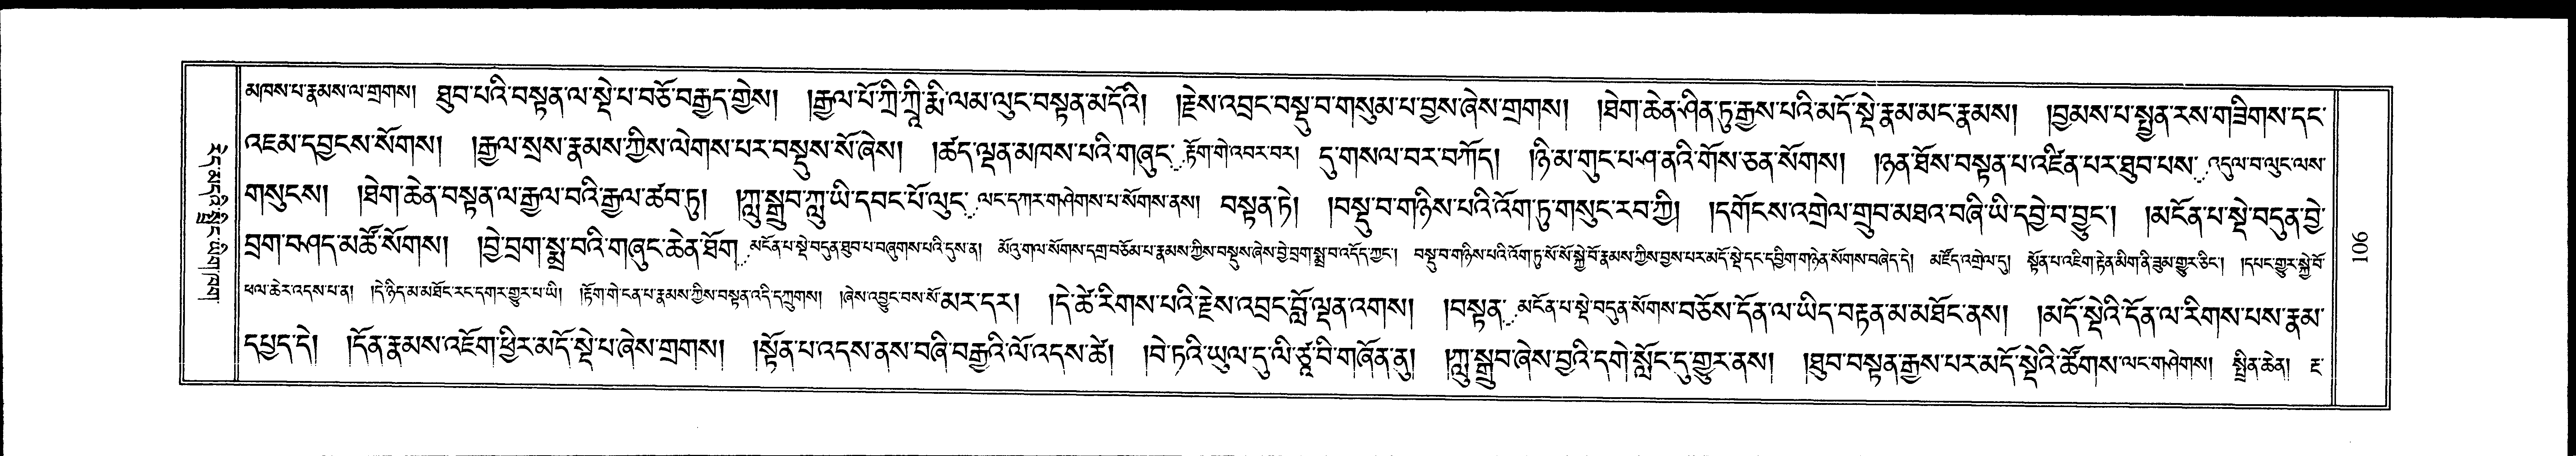མཁས་པ་རྣམས་ལ་གྲགས། ཐུབ་པའི་བསྟན་ལ་སྡེ་པ་བཅོ་བརྒྱད་གྱེས། །རྒྱལ་པོ་ཀྲི་ཀྲཱི་རྨི་ལམ་ལུང་བསྟན་མདོའི། །རྗེས་འབྲང་བསྡུ་བ་གསུམ་པ་བྱས་ཞེས་གྲགས། །ཐེག་ཆེན་ཤིན་ཏུ་རྒྱས་པའི་མདོ་སྡེ་རྣམ་མང་རྣམས། །བྱམས་པ་སྤྱན་རས་གཟིགས་དང་
འཇམ་དབྱངས་སོགས། །རྒྱལ་སྲས་རྣམས་ཀྱིས་ལེགས་པར་བསྡུས་སོ་ཞེས། །ཚད་ལྡན་མཁས་པའི་གཞུང་རྟོག་གེ་འབར་བར། དུ་གསལ་བར་བཀོད། །ཉི་མ་གུང་པ་ཤ་ནའི་གོས་ཅན་སོགས། །ཉན་ཐོས་བསྟན་པ་འཛིན་པར་ཐུབ་པས་འདུལ་བ་ལུང་ལས་
གསུངས། །ཐེག་ཆེན་བསྟན་ལ་རྒྱལ་བའི་རྒྱལ་ཚབ་ཏུ། །ཀླུ་སྒྲུབ་ཀླུ་ཡི་དབང་པོ་ལུང་ལང་དཀར་གཤེགས་པ་སོགས་ནས། བསྟན་ཏེ། །བསྡུ་བ་གཉིས་པའི་འོག་ཏུ་གསུང་རབ་ཀྱི། །དགོངས་འགྲེལ་གྲུབ་མཐའ་བཞི་ཡི་དབྱེ་བ་བྱུང་། །མངོན་པ་སྡེ་བདུན་བྱེ་
བྲག་བཤད་མཚོ་སོགས། །བྱེ་བྲག་སྨྲ་བའི་གཞུང་ཆེན་ཐོག་མངོན་པ་སྡེ་བདུན་ཐུབ་པ་བཞུགས་པའི་དུས་ན། མོའུ་གལ་སོགས་དགྲ་བཅོམ་པ་རྣམས་ཀྱིས་བསྡུས་ཞེས་བྱེ་བྲག་སྨྲ་བ་འདོད་ཀྱང་། བསྡུ་བ་གཉིས་པའི་འོག་ཏུ་སོ་སོ་སྐྱེ་བོ་རྣམས་ཀྱིས་བྱས་པར་མདོ་སྡེ་དང་དབྱིག་གཉེན་སོགས་བཞེད་དེ། མཛོད་འགྲེལ་དུ། སྟོན་པ་འཇིག་རྟེན་མིག་ནི་ཟུམ་གྱུར་ཅིང་། །དཔང་གྱུར་སྐྱེ་བོ་
ཕལ་ཆེར་འདས་པ་ན། །དེ་ཉིད་མ་མཐོང་རང་དགར་གྱུར་པ་ཡི། །རྟོག་གེ་ངན་པ་རྣམས་ཀྱིས་བསྟན་འདི་དཀྲུགས། །ཞེས་འབྱུང་བས་སོ་མར་དར། །དེ་ཚེ་རིགས་པའི་རྗེས་འབྲང་བློ་ལྡན་འགས། །བསྟན་མངོན་པ་སྡེ་བདུན་སོགས་བཅོས་དོན་ལ་ཡིད་བསྟན་མ་མཐོང་ནས། །མདོ་སྡེའི་དོན་ལ་རིགས་པས་རྣམ་
དཔྱད་དེ། །དོན་རྣམས་འཇོག་ཕྱིར་མདོ་སྡེ་པ་ཞེས་གྲགས། །སྟོན་པ་འདས་ནས་བཞི་བརྒྱའི་ལོ་འདས་ཚེ། །བེ་ཏའི་ཡུལ་དུ་ལི་ཙཱ་བི་གཞོན་ནུ། །ཀླུ་སྒྲུབ་ཞེས་བྱའི་དགེ་སློང་དུ་གྱུར་ནས། །ཐུབ་བསྟན་རྒྱས་པར་མདོ་སྡེའི་ཚོགས་ལང་གཤེགས། སྤྲིན་ཆེན། རྔ་